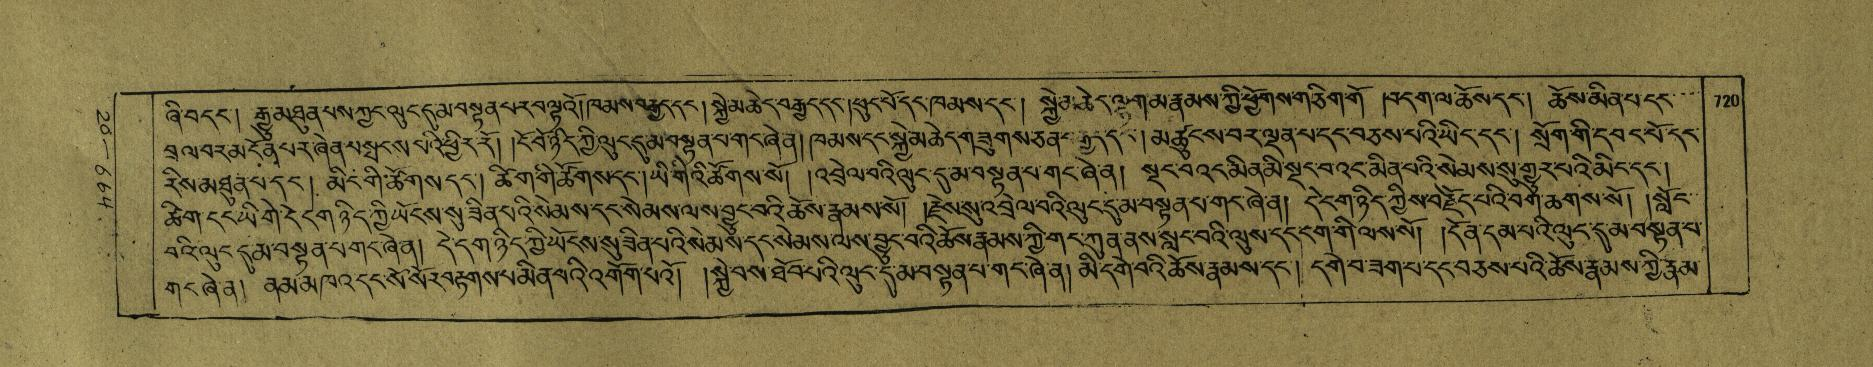ཞི་བ་དང་། རྒྱུ་མཐུན་པས་ཀྱང་ལུང་དུ་མ་བསྟན་པར་བལྟའོ། ཁམས་བརྒྱད་དང་། སྐྱེ་མཆེད་བརྒྱད་དང་། ཕུང་པོ་དང་ཁམས་དང་། སྐྱེ་མཆེད་ལྷག་མ་རྣམས་ཀྱི་ཕྱོགས་གཅིག་གོ །བདག་ལ་ཆོས་དང་། ཆོས་མིན་པ་དང་
བྲལ་བར་མངོན་པར་ཞེན་པ་སྤངས་པའི་ཕྱིར་རོ། །ངོ་བོ་ཉིད་ཀྱི་ལུང་དུ་མ་བསྟན་པ་གང་ཞེ་ན། ཁམས་དང་སྐྱེ་མཆེད་གཟུགས་ཅན་བརྒྱད་དང་། མཚུངས་བར་ལྡན་པ་དང་བཅས་པའི་ཡིད་དང་། སྲོག་གི་དབང་པོ་དང་
རིས་མཐུན་པ་དང་། མིང་གི་ཚོགས་དང་། ཚིག་གི་ཚོགས་དང་། ཡི་གེའི་ཚོགས་སོ། །འབྲེལ་བའི་ལུང་དུ་མ་བསྟན་པ་གང་ཞེ་ན། སྔང་བའང་མིན་མི་སྡང་བའང་མིན་པའི་སེམས་སུ་གྱུར་པའི་མིང་དང་།
ཚིག་དང་ཡི་གེ་དེ་དག་ཉིད་ཀྱི་ཡོངས་སུ་ཟིན་པའི་སེམས་དང་སེམས་ལས་བྱུང་བའི་ཆོས་རྣམས་སོ། །རྗེས་སུ་འབྲེལ་བའི་ལུང་དུ་མ་བསྟན་པ་གང་ཞེ་ན། དེ་ངག་ཉིད་ཀྱིས་བརྗོད་པའི་བག་ཆགས་སོ། །སློང་
བའི་ལུང་དུ་མ་བསྟན་པ་གང་ཞེ་ན། དེ་དག་ཉིད་ཀྱི་ཡོངས་སུ་ཟིན་པའི་སེམས་དང་སེམས་ལས་བྱུང་བའི་ཆོས་རྣམས་ཀྱི་གང་ཀུན་ནས་སླང་བའི་ལུས་དང་ངག་གི་ལས་སོ། །དོན་དམ་པའི་ལུང་དུ་མ་བསྟན་པ་
གང་ཞེ་ན། ནམ་མཁའ་དང་སོ་སོར་བརྟགས་པ་མིན་པའི་འགོག་པའོ། །སྐྱེ་བས་ཐོབ་པའི་ལུང་དུ་མ་བསྟན་པ་གང་ཞེ་ན། མི་དགེ་བའི་ཆོས་རྣམས་དང་། དགེ་བ་ཟག་པ་དང་བཅས་པའི་ཆོས་རྣམས་ཀྱི་རྣམ་